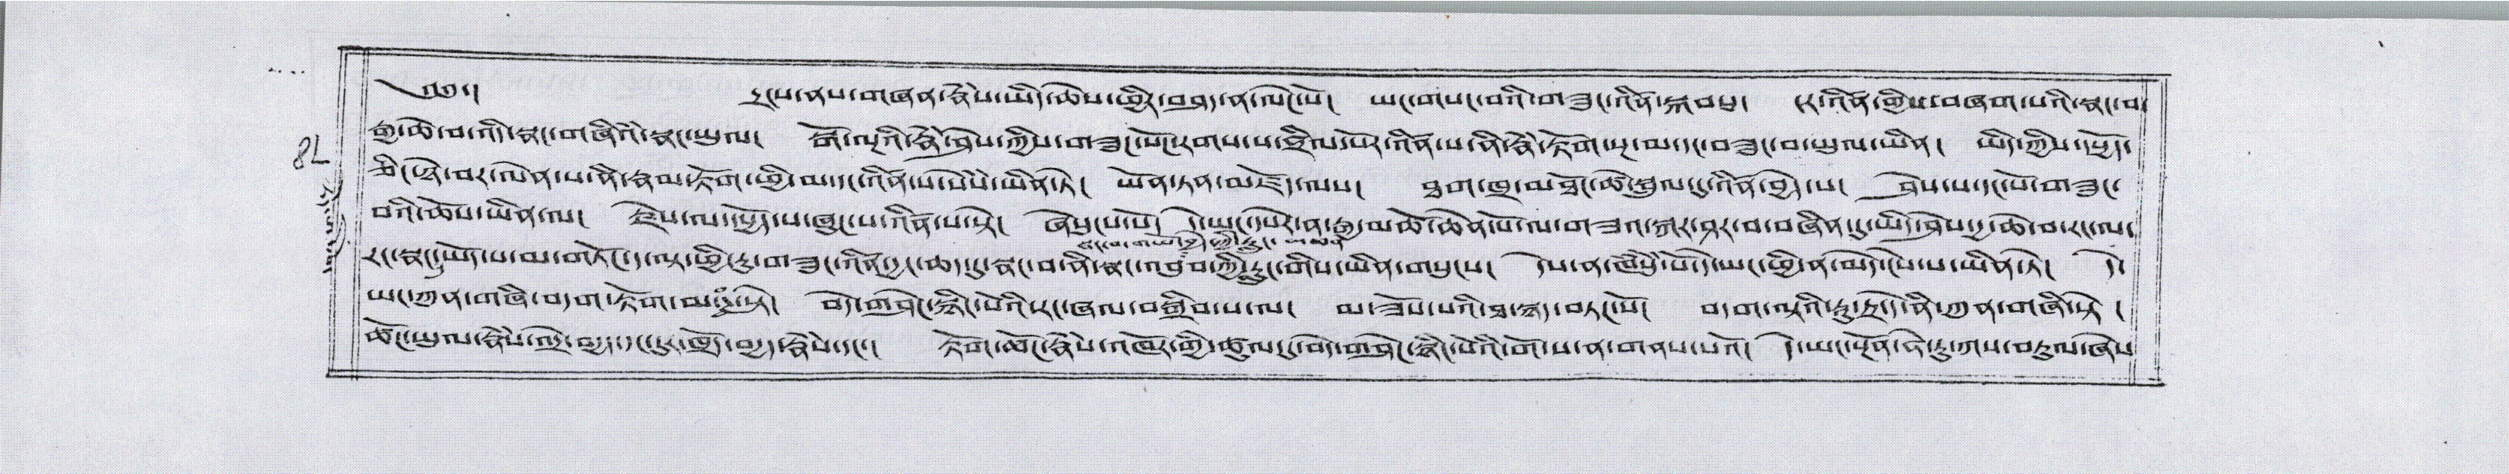དྲངས་ནས་གཞན་རྣམས་ཡིད་ཆེས་ཕྱིར་བཤད་ན་ལེགས་སོ། ཡང་གསང་བའི་གཟུང་འཛིན་སྐབས། ངར་འཛིན་གྱིས་བཞག་པའི་སྣང་བ་
རྒྱ་ཆེ་བ་འདི་སྣང་གཞིའི་སྣང་ཡུལ། སྒོ་ལྔའི་རྣམ་ཤེས་ཀྱིས་གཟུགས་སོགས་རགས་པ་ཧྲིལ་པོར་འཛིན་པ་ནི་རྣམ་རྟོག་སྔ་མ་དང་གཟུང་བ་ཡུལ་ཡིན། ཡིད་ཀྱིས་དཔྱོད་
ཅིང་ཉེ་བར་ལེན་པ་ནི་རྣམ་རྟོག་ཕྱི་མ་དང་འཛིན་པ་སེམས་ཡིན་ཏེ། ཡོན་ཏན་མཛོད་ལས། ཐག་ཁྲ་མཐོང་ཚེ་སྦྲུལ་དུ་འཛིན་བྱེད་པ། ཤེས་པ་དང་པོ་གཟུང་
བའི་ཆོས་ཡིན་ལ། རྗེས་ལ་དཔྱོད་པ་ཞུགས་པ་འཛིན་པ་སྟེ། ཞེས་གསུངས་སོ། དེ་ཡང་དཔེར་ན་རྒྱ་མཚོ་ཆེན་པོ་ལ་གཟའ་སྐར་ཤར་བ་ལྟ་བུ་ཡིད་ཤེས་རྒྱ་ཆེ་བ་རང་ལ་
རང་སྣང་དུ་ཡོད་པ་མ་གཏོགས་ད་ལྟ་ཕྱི་རུ་གཟུང་འཛིན་རྒྱང་ཆད་དུ་སྣང་བ་ནི་སྣང་འབུབ་ཀྱི་༼སྣང་བ་གཡོ་བྱེད་ཀྱི་རླུང་མཆན༽རླུང་གིས་ཡིན་གསུངས། དེས་ན་ཁམས་གསུམ་པོ་དེ་ཡང་ཕྱི་ན་མེད་ངེས་པ་ཡིན་ཏེ། དེ་
ཡང་ཀུན་གཞི་བདག་རྟོག་མ་ཊཾ་སྟེ། བདེར་གཤེགས་སྙིང་པོའི་རང་ཞལ་བསྒྲིབས་པ་ལ། མ་ཟོས་པའི་ཐ་སྙད་བཏགས་སོ། བདག་ལྟའི་རུ་ཏྲ་དེ་ནི་ཀུན་གཞི་སྟེ། 
ཚོགས་ཡུལ་རྣམ་འདྲེ་བརྒྱད་དང་དུར་ཁྲོད་བརྒྱད་རྣམས་དང་། རྟོག་ཚོགས་རྣམས་འཁོར་གྱི་ཚུལ་དུ་བདེར་གཤེགས་སྙིང་པོའི་གོ་ས་ན་གནས་པའོ། དེ་ཡང་སྔོན་ཧེ་རུ་ཀས་བཏུལ་ཞེས་